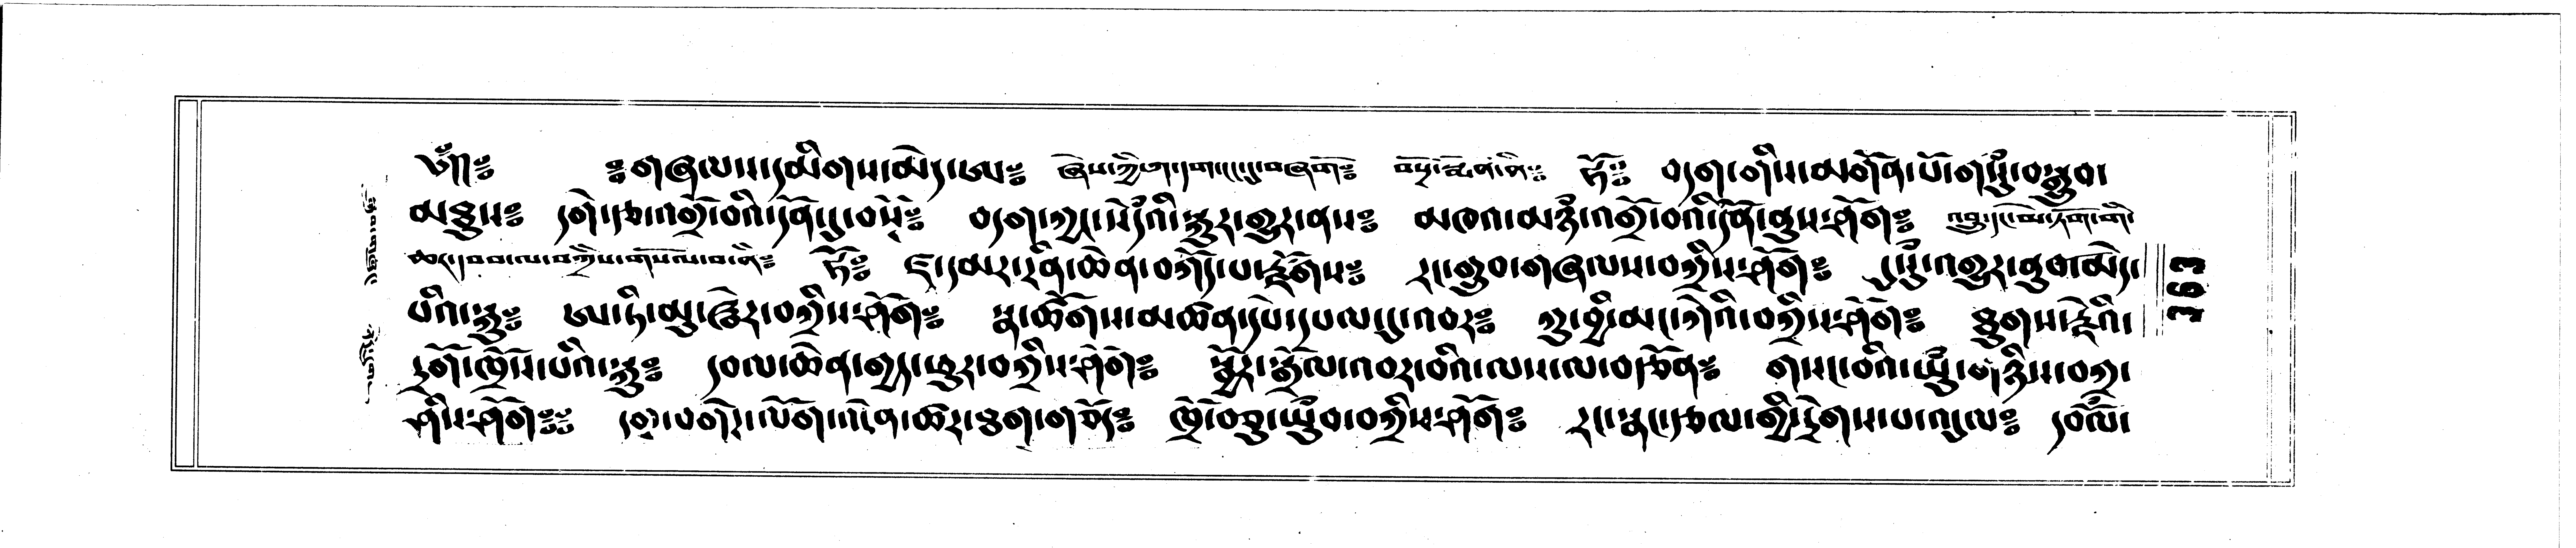གཞལ་ཡས་དམིགས་མེད་ཨ༔ ཞེས་ཀྱི་ཀ་དག་ངང་དུ་བཞག་གོ༔ བསྔོ་སྨོན་ནི༔ ཧོ༔ བདག་གིས་མགོན་པོ་གསུམ་བསྒྲུབ་
མཐུས༔ དགེ་རྩ་འགྲོ་བའི་དོན་དུ་བསྔོ༔ བདག་ཀྱང་སེམས་དཔའི་སྐུར་གྱུར་ནས༔ མཁའ་མཉམ་འགྲོ་བའི་དོན་ནུས་ཤོག༔ འབྲུ་དང་མེ་ཏོག་གི་
ཆར་དབབ་བཀྲ་ཤིས་གསོལ་བ་ནི༔ ཧོ༔ ཛྭ་དམར་རིན་ཆེན་བཀོད་པ་རྫོགས༔ རང་གྲུབ་གཞལ་ཡས་བཀྲ་ཤིས་ཤོག༔ དུས་གསུམ་འགྱུར་ནུབ་མེད་
པའི་སྐུ༔ ཨ་ཏི་མུ་ཝེར་བཀྲ་ཤིས་ཤོག༔ སྣ་ཚོགས་མཚན་དཔེ་དཔལ་དུ་འབར༔ ཀུ་བྱི་མང་ཀེའི་བཀྲ་ཤིས་ཤོག༔ ཐུགས་རྗེའི་
དྲག་པོ་ཁྲོས་པའི་སྐུ༔ དབལ་ཆེན་གྱད་ཕུར་བཀྲ་ཤིས་ཤོག༔ སྦྱོར་སྒྲོལ་འབར་བའི་ལས་ལ་བརྩོན༔ གསང་བའི་ཡུམ་གཉིས་བཀྲ་
ཤིས་ཤོག༔༔ དགྲ་བགེགས་ལོག་འདྲེན་ཚར་ཐག་གཅོད༔ ཁྲོ་བཅུ་ཡབ་ཡུམ་བཀྲ་ཤིས་ཤོག༔ རང་སྣང་རྩལ་གྱིས་དྲེགས་པ་འདུལ༔ དབལ་མོ་